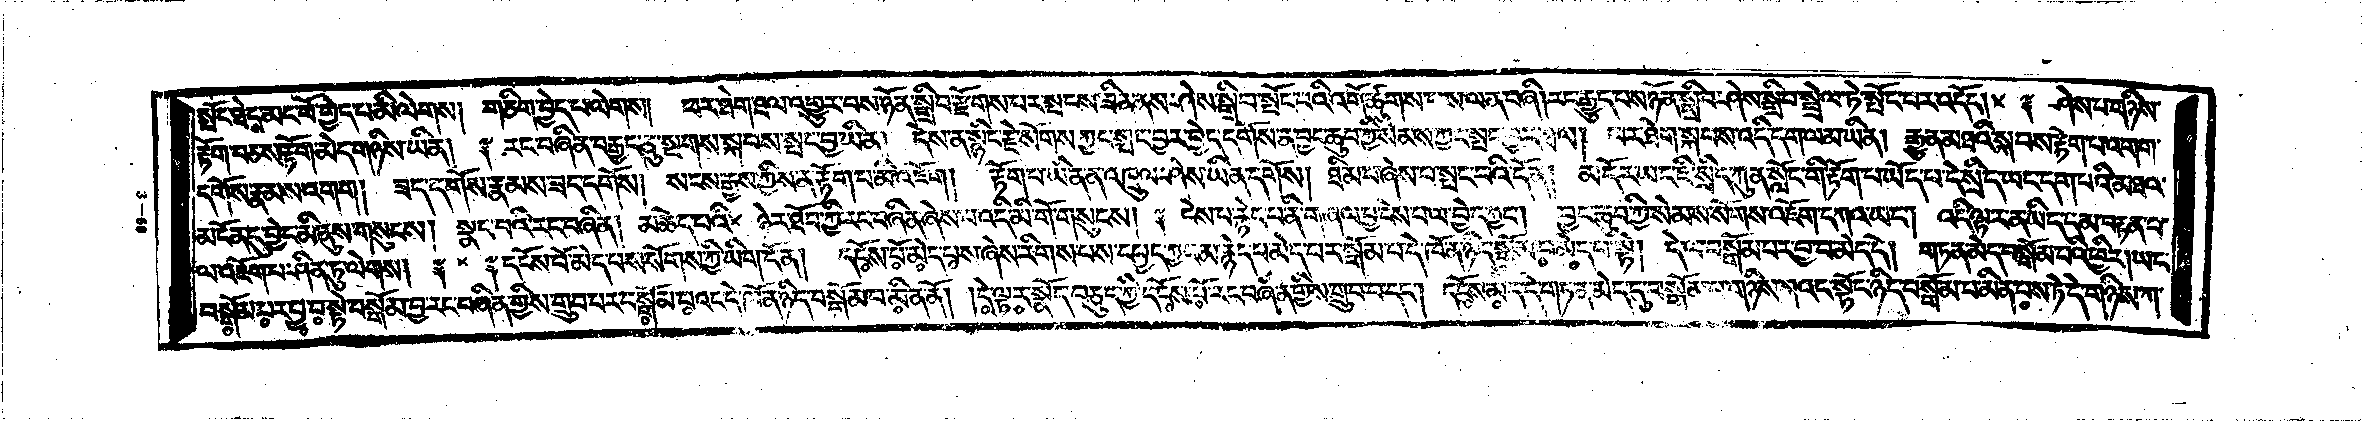སྤོང་ཐེངས་མང་ཕོ་གྱེད་པ་མི་ལེགས། གཅིག་བྱེད་པ་ལེགས། ཕར་ཐེག་ཐལ་འགྱུར་བས་ཉོན་སྒྲིབ་རྫོགས་པར་སྤངས་ཟིན་ནས་ཤེས་སྒྲིབ་སྤོང་བའི་འགོ་ཚུགས་པས་ལན་བཞི་།རང་རྒྱུད་པས་ཉོན་སྒྲིབ་ཤེས་སྒྲིབ་སྦྲེལ་ཏེ་སྤོང་བར་འདོད། ྾་༈ ཤེས་པ་གཉིས་
རྟོག་བཅས་རྟོག་མེད་གཉིས་ཡིན། ༈ རང་བཞིན་བརྒྱད་ཅུ་སྔགས་སྐབས་སྤང་བྱ་ཡིན། དེས་ན་སྙིང་རྗེ་སོགས་ཀྱང་སྤང་བྱར་བྱེད་དགོས་ན་བྱང་ཆུབ་ཀྱི་སེམས་ཀྱང་སྤང་བྱར་ཐལ། བར་ཐེག་སྐབས་འདི་དག་ལམ་ཡིན། རྒྱུན་མཐའི་སྐབས་རྟེན་པ་འགག་
དགོས་རྣམས་འགག། ཟད་དགོས་རྣམས་ཟད་དགོས། སངས་རྒྱས་ཀྱིས་ན་རྟོག་པ་མི་འཇོག། རྟོག་པ་ཡིན་ན་འཁྲུལ་ཤེས་ཡིན་དགོས། ཐིམ་པ་ཞེས་པ་སྤང་བའི་དོན། མདོར་ཡང་ཇི་སྲིད་ཀུན་སློང་གི་རྟོག་པ་ཡོད་པ་དེ་སྲིད་ཡང་དག་པའི་མཐའ་
མངོན་དུ་བྱེད་མི་ནུས་གསུངས། སྣང་བའི་རང་བཞིན། མཆེད་པའི྾་ཉེར་ཐོབ་ཀྱི་རང་བཞིན་ཞེས་པ་འདི་མི་གོ་གསུངས། ༈ ངེས་པ་རྙེད་པ་ནི་གཞལ་བྱ་ངེས་པ་ལ་བྱེད་ཀྱང་། བྱང་ཆུབ་ཀྱི་སེམས་སོགས་འཇོག་དཀའ་ཡང་། འདི་ལྟར་ན་ཡིད་དམ་བརྟན་པ་
ལ་འཇོག་པ་ཤིན་ཏུ་ལེགས། ༈ ྾་༈ དངོས་པོ་མེད་པས་སོགས་ཀྱི་ཡིག་དོན། དངོས྾་པོ྾་མེད྾་པས྾་ཞེས་རིགས་པས་དཔྱད་ཀྱང་མ་རྙེད་པ་མེད་པར་སྒོམ་པ་དེ་ཁོ་ན་ཉིད་སྒོམ྾་པ྾་མེད྾་པ་སྟེ། དེ་ལ་བསྒོམ་པར་བྱ་བ་མེད་དེ། གཏན་མེད་བསྒོམ་པའི་ཕྱིར་།ཡང་
བསྒོམ྾་པར྾་བྱ྾་བ྾་སྟེ་བསྒོམ་བྱ་རང་བཞིན་གྱིས་གྲུབ་པར་བསྒོམ྾་པའང྾་དེ་ཁོ་ན་ཉིད་བསྒོམ་བ་མིན྾་ནོ྾། །དེ྾་ལྟར྾་སྣོད་བཅུད་ཀྱི་དངོས྾་པོ྾་རང་བཞིན་གྱིས་གྲུབ་བ་དང་། དངོས྾་མེད྾་དེ་གཏན་མེད་དུ་བསྒོམ་པ་གཉིས་ཀའང་སྟོང་ཉིད་བསྒོམ་པ་མིན་པས྾་ཏེ་དེ་གཉིས་ཀ་